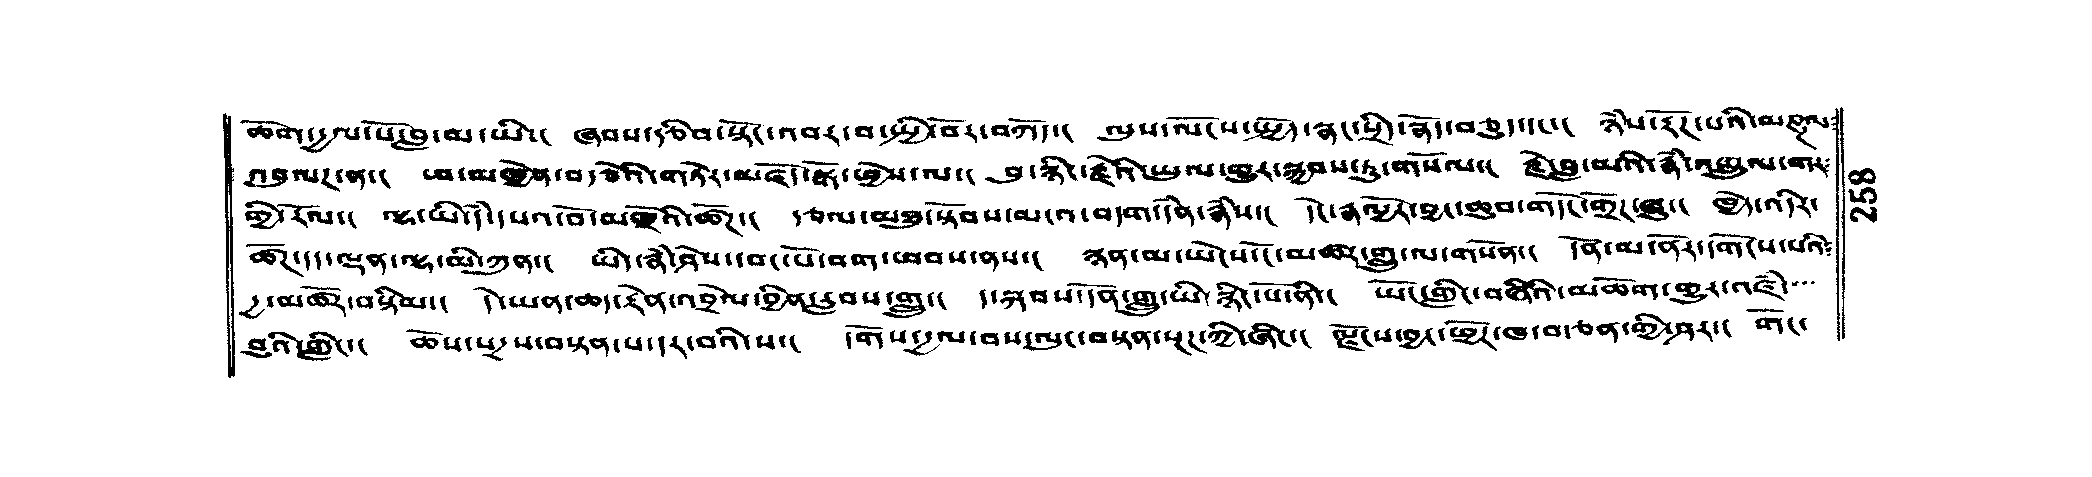ཆོག་རྒྱལ་པོ་བླ་མ་ཡི། །ཞབས་རྩིབས་སྟོང་འབར་བ་སྤྱི་བོར་བཀོད། །ལུས་ལོངས་སྤྱོད་སྣང་སྲིད་སྣོད་བཅུད་དང་། །ཉམས་རྟོགས་པའི་མཎྜལ་
འབུལ་ལགས་ན། །ཕ་མཁྱེན་བརྩེའི་གཏེར་མཛོད་སྒོ་ཕྱེས་ལ། །བུ་སྙིང་རྗེའི་ཡུལ་གྱུར་བསྐྱབ་ཏུ་གསོལ། །རྗེ་བླ་མའི་རྣམ་འཕྲུལ་གར་
གྱི་རོལ། །ལྷ་ཡི་དམ་དཔའ་བོ་མཁའ་འགྲོ་ཚོགས། །རྩལ་མཐུ་སྟོབས་མངའ་བདག་དམ་ཅན་རྣམས། །དེང་རྣལ་འབྱོར་བྱང་ཆུབ་གདོང་གྲོགས་ཞུ། །ཁྱེད་འདིར་
ཚོགས་དད་ལྡན་ལྷ་མི་ཀུན། །ཡིད་རྣམ་ཤེས་དབང་པོ་བག་ཕབ་ནས། །སྙན་མ་ཡེངས་ངོ་མཚར་གླུ་ལ་གསོན། །དོན་མ་ནོར་དགོངས་པའི་
རྒྱ་མཚོར་བསྟིམ། །དེ་ཡན་ཆད་རྟེན་འབྲེལ་བྱིན་རླབས་གླུ། །ད་སྐབས་དོན་གླུ་ཡི་སྙིང་པོ་ནི། །ཡོངས་གླིང་བཞིའི་མཆོག་གྱུར་འཛམ་
བུའི་གླིང་། །ཆོས་སངས་རྒྱས་བསྟན་པ་དར་བའི་ས། །དགོས་རྒྱལ་བས་ལུང་བསྟན་སྔགས་ཀྱི་ཞིང་། །ལྗོངས་བྱང་ཕྱོགས་ཁ་བ་ཅན་གྱི་ཤར། །གོང་